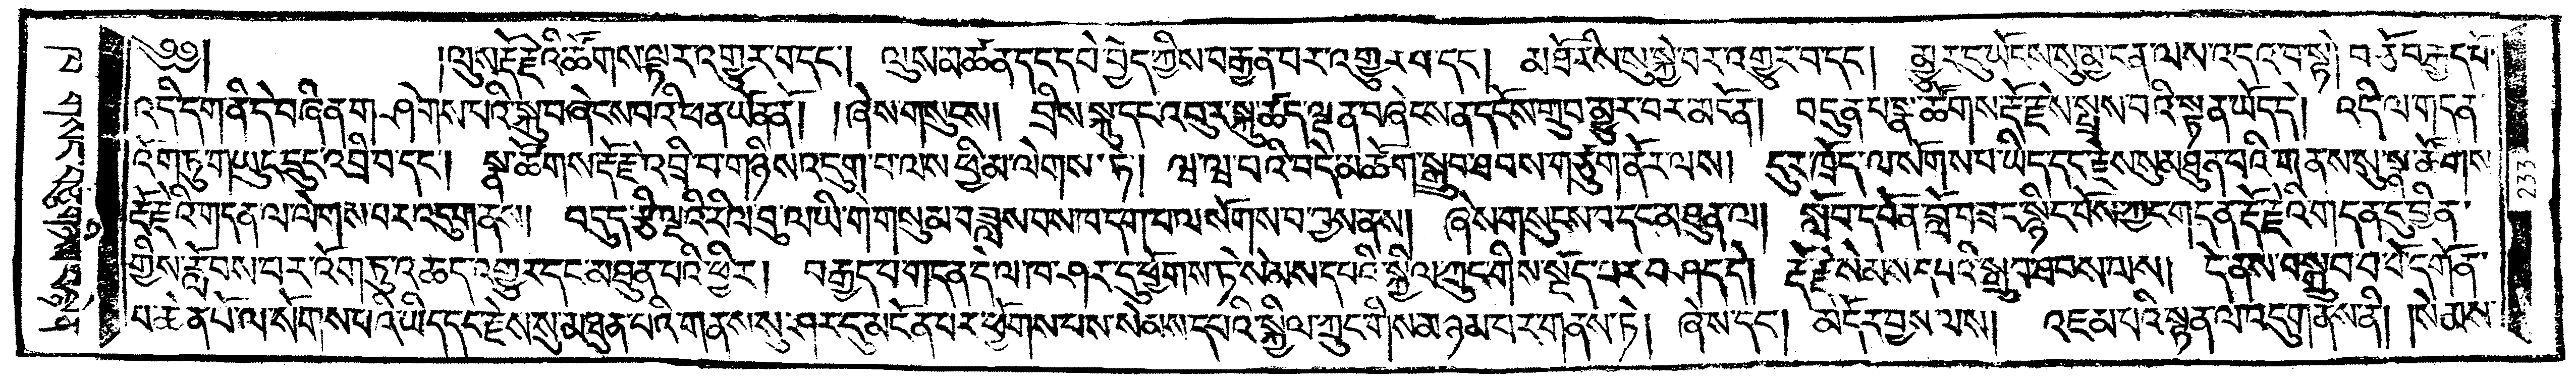༄༅། །ལུས་རྡོ་རྗེའི་ཚོགས་ལྟར་འགྱུར་བ་དང་། ལུས་མཚན་དང་དཔེ་བྱེད་ཀྱིས་བརྒྱན་པར་འགྱུར་བ་དང་། མཐོ་རིས་སུ་སྐྱེ་བར་འགྱུར་བ་དང་། མྱུར་དུ་ཡོངས་སུ་མྱ་ངན་ལས་འདའ་བ་སྟེ། བཅོ་བརྒྱད་པོ་
འདི་དག་ནི་དེ་བཞིན་གཤེགས་པའི་སྐུ་བཞེངས་པའི་ཕན་ཡོན་ནོ། །ཞེས་གསུངས། བྲིས་སྐུ་དང་འབུར་སྐུ་ཚད་ལྡན་བཞེངས་ན་དངོས་གྲུབ་མྱུར་བར་མངོན། བདུན་པ་སྣ་ཚོགས་རྡོ་རྗེས་སྤྲས་པའི་སྟན་ཡོད་དེ། འདི་ལ་གདན་
འོག་ཏུ་གཡུང་དྲུང་འབྲི་བ་དང་། སྣ་ཚོགས་རྡོ་རྗེ་འབྲི་བ་གཉིས་འདུག་པ་ལས་ཕྱི་མ་ལེགས་ཏེ། ཝ་ཝ་བའི་བདེ་མཆོག་སྒྲུབ་ཐབས་གཙུག་ནོར་ལས། དུར་ཁྲོད་ལ་སོགས་པ་ཡིད་དང་རྗེས་སུ་མཐུན་པའི་གནས་སུ་སྣ་ཚོགས་
རྡོ་རྗེའི་གདན་ལ་ལེགས་པར་འདུག་ནས། བདུད་རྩི་ལྔའི་རིལ་བུ་ལ་ཡི་གེ་གསུམ་བཟླས་པས་ཁ་དག་པ་ལ་སོགས་པ་བྱས་ནས། ཞེས་གསུངས་པ་དང་མཐུན་ལ། སློབ་དཔོན་བློ་བཟང་སྙིང་པོས་ཀྱང་གདན་རྡོ་རྗེའི་གདན་དུ་བྱིན་
གྱིས་རློབས་པར་འོག་ཏུ་འཆད་འགྱུར་དང་མཐུན་པའི་ཕྱིར། བརྒྱད་པ་གདན་དེ་ལ་ཁ་ཤར་དུ་ཕྱོགས་ཏེ་སེམས་དཔའི་སྐྱིལ་ཀྲུང་གིས་སྡོད་པར་བཤད་དེ། རྡོ་རྗེ་སེམས་དཔའི་སྒྲུབ་ཐབས་ལས། དེ་ནས་བསྒྲུབ་བ་པོ་དགོན་
པ་ཆེན་པོ་ལ་སོགས་པའི་ཡིད་དང་རྗེས་སུ་མཐུན་པའི་གནས་སུ་ཤར་དུ་མངོན་པར་ཕྱོགས་པས་སེམས་དཔའི་སྐྱིལ་ཀྲུང་གིས་མཉམ་པར་གནས་ཏེ། ཞེས་དང་། མདོར་བྱས་ལས། འཇམ་པའི་སྟན་ལ་འདུག་ནས་ནི། །སེམས་